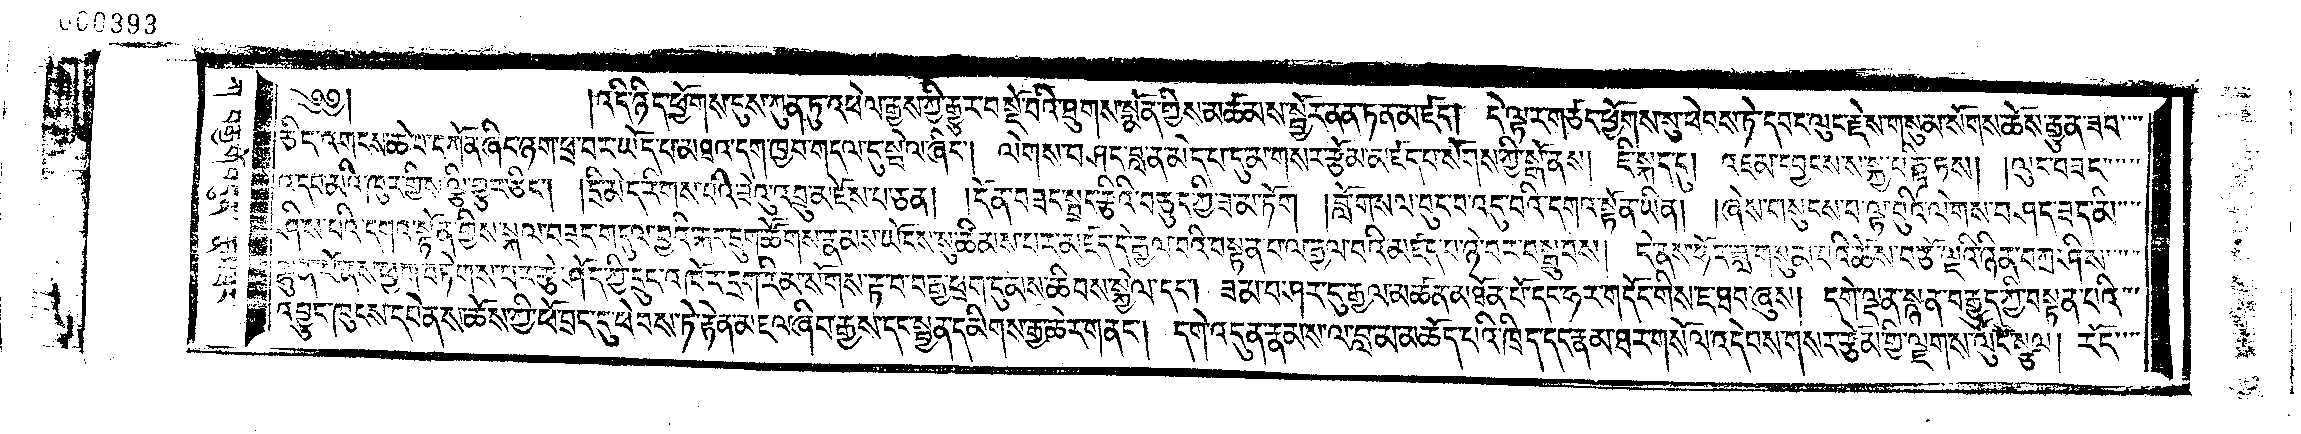༄༅། །འདི་ཉིད་ཕྱོགས་དུས་ཀུན་ཏུ་འཕེལ་རྒྱས་ཀྱི་རྒྱུར་བསྔོ་བའི་ཐུགས་སྨོན་གྱིས་མཚམས་སྦྱོར་ནན་ཏན་མཛད། དེ་ལྟར་གཙང་ཕྱོགས་སུ་ཕེབས་ཏེ་དབང་ལུང་རྗེས་གསུམ་སོགས་ཆོས་རྒྱུན་ཟབ་
ཅིང་འགངས་ཆེ་བ་དཀོན་ཞིང་ཉག་ཕྲ་བར་ཡོད་པ་མཐའ་དག་ཁྱབ་གདལ་དུ་སྤེལ་ཞིང་། ལེགས་བཤད་བླ་ན་མེད་པ་དུ་མ་གསར་རྩོམ་མཛད་པ་སོགས་ཀྱི་སྒོ་ནས། ཇི་སྐད་དུ། འཇམ་དབྱངས་ས་སྐྱ་པཎྜི་ཏས། །ལུང་བཟང་
འདབ་མའི་ཁུར་གྱིས་ལྕི་གྱུར་ཅིང་། །དྲི་མེད་རིགས་པའི་ཟེའུ་འབྲུ་མཛེས་པ་ཅན། །དོན་བཟང་སྦྲང་རྩིའི་བཅུད་ཀྱི་ཟ་མ་ཏོག །བློ་གསལ་བུང་བ་འདུ་བའི་དགའ་སྟོན་ཡིན། །ཞེས་གསུངས་པ་ལྟ་བུའི་ལེགས་བཤད་ཟད་མི་
ཤིས་པའི་དགའ་སྟོན་གྱིས་སྐལ་བཟང་གདུལ་བྱའི་རྐང་དྲུག་ཚོགས་རྣམས་ཡོངས་སུ་ཚིམས་པར་མཛད་དེ་རྒྱལ་བའི་བསྟན་པ་ལ་རྒྱལ་བའི་མཛད་པ་ཉེ་བར་བསྒྲུབས། དེ་ནས་ཧོར་ཟླ་གསུམ་པའི་ཚེས་བཅོ་ལྔའི་ཉིན་བཀྲ་ཤིས་
ལྷུན་པོ་ནས་ཕྱག་བཏེགས་པར་རྩེ་ཤོད་ཀྱི་དྲུང་འཁྲོ་དྲག་རིམ་སོགས་རྟ་པ་བརྒྱ་ཕྱག་དུ་མས་ཆིབས་སྐྱེལ་དང་། ཟམ་བ་ཤར་དུ་རྒྱལ་མཚན་མཐོན་པོ་དང་ཧར་གདོང་གིས་ཇ་ཐབ་ཞུས། དགེ་ལྡན་སྙན་བརྒྱུད་ཀྱི་བསྟན་པའི་
འབྱུང་ཁུངས་དཔེན་ས་ཆོས་ཀྱི་ཕོ་བྲང་དུ་ཕེབས་ཏེ་རྟེན་མཇལ་ཞིབ་རྒྱས་དང་སྤྱན་དམིགས་རྒྱ་ཆེར་གནང་། དགེ་འདུན་རྣམས་ལ་བླ་མ་མཆོད་པའི་ཁྲིད་དང་རྣམ་ཐར་གསོལ་འདེབས་གསར་རྩོམ་གྱི་ལྗགས་ལུང་སྩལ། རོང་